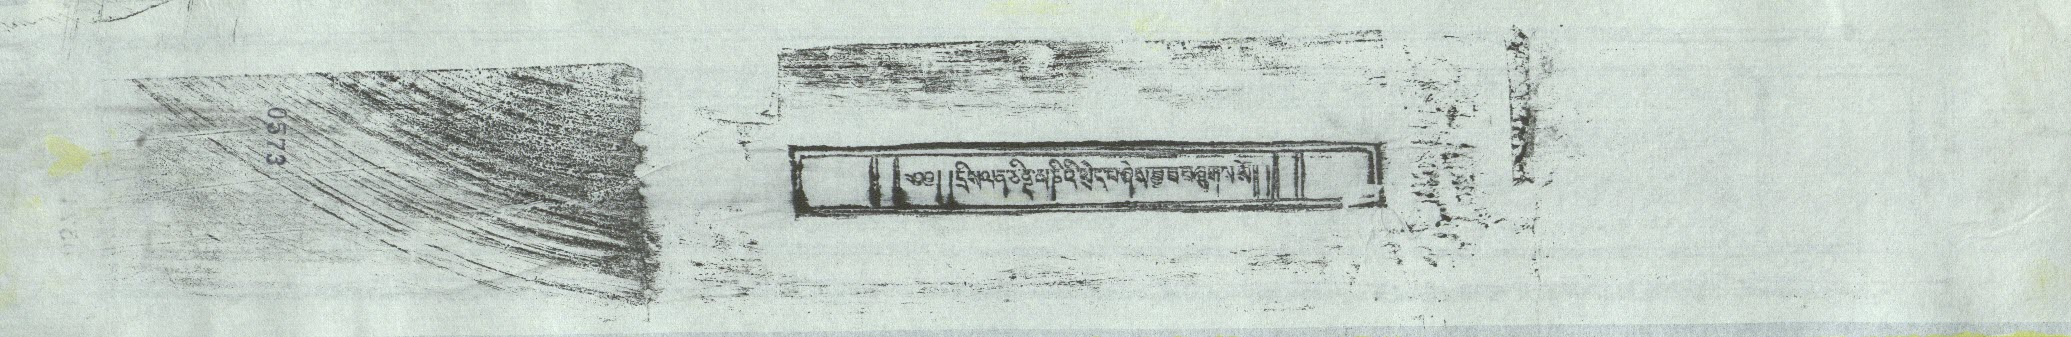༄༅། །དྲིས་ལན་ཙིནྡ་མཎིའི་ཕྲེང་བ་ཞེས་བྱ་བ་བཞུགས་སོ།།